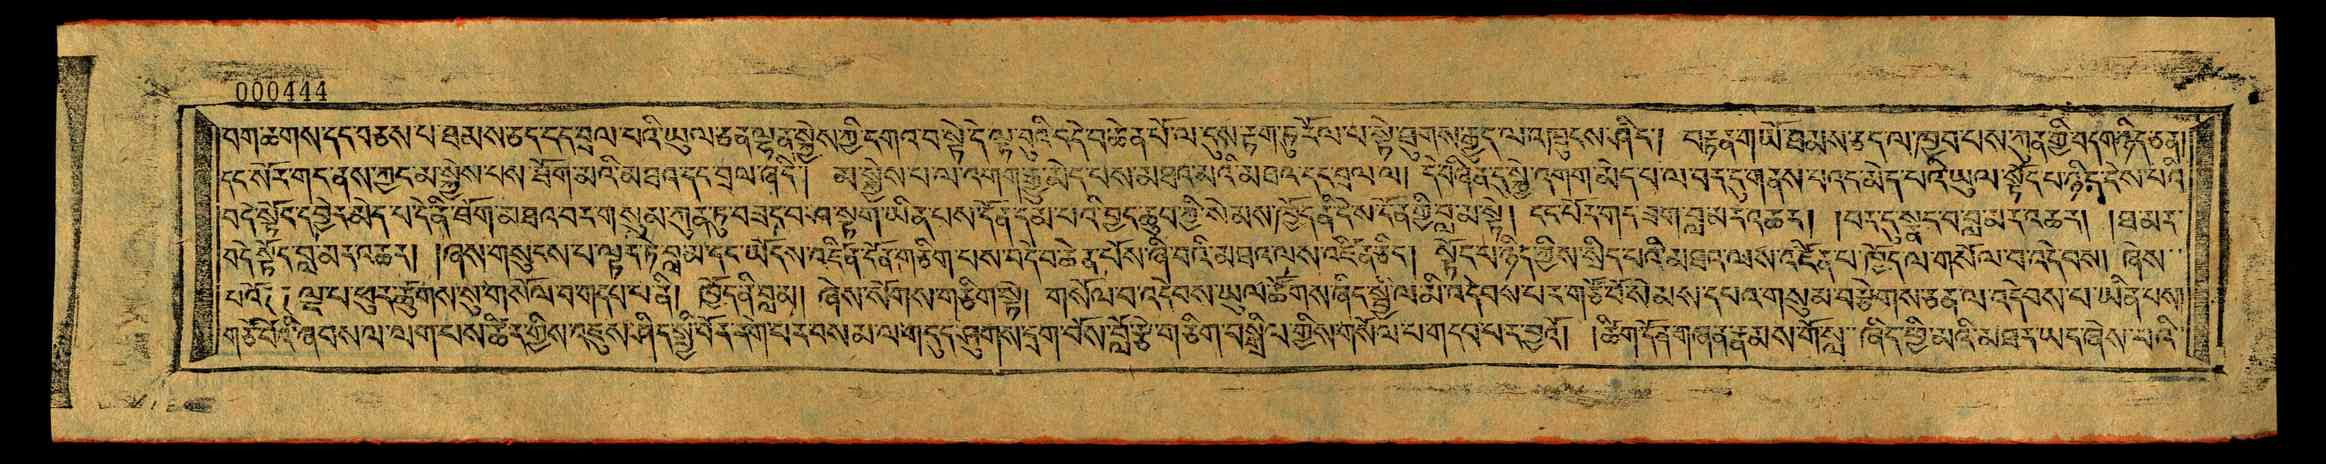བག་ཆགས་དང་བཅས་པ་ཐམས་ཅད་དང་བྲལ་པའི་ཡུལ་ཅན་ལྷན་སྐྱེས་ཀྱི་དགའ་བ་སྟེ་དེ་ལྟ་བུའི་བདེ་བ་ཆེན་པོ་ལ་དུས་རྟག་ཏུ་རོལ་པ་སྟེ་ཐུགས་རྒྱུད་ལ་འཁྲུངས་ཤིང་། བརྟན་གཡོ་ཐམས་ཅད་ལ་ཁྱབ་པས་ཀུན་གྱི་བདག་ཉིད་ཅན།
དང་པོར་གང་ནས་ཀྱང་མ་སྐྱེས་པས་ཐོག་མའི་མཐའ་དང་བྲལ་ཞིང་། མ་སྐྱེས་པ་ལ་འགག་རྒྱུ་མེད་པས་མཐའ་མའི་མཐའ་དང་བྲལ་ལ། དེ་བཞིན་དུ་སྐྱེ་འགག་མེད་པ་ལ་བར་དུ་གནས་པའང་མེད་པའི་ཡུལ་སྟོང་པ་ཉིད་ངེས་པའི་
བདེ་སྟོང་དབྱེར་མེད་པ་དེ་ནི་ཐོག་མཐའ་བར་གསུམ་ཀུན་ཏུ་བཟང་བ་ཤ་སྟག་ཡིན་པས་དོན་དམ་པའི་བྱང་ཆུབ་ཀྱི་སེམས་ཁྱོད་ནི་ངེས་དོན་གྱི་བླ་མ་སྟེ། དང་པོར་གང་ཟག་བླ་མར་འཆར། །བར་དུ་སྣང་བ་བླ་མར་འཆར། །ཐ་མར་
བདེ་སྟོང་བླ་མར་འཆར། །ཞེས་གསུངས་པ་ལྟར་ཏེ་བླ་མ་དང་ཡོངས་འཛིན་དོན་གཅིག་པས་བདེ་བ་ཆེན་པོས་ཞི་བའི་མཐའ་ལས་འཛིན་ཅིང་། སྟོང་པ་ཉིད་ཀྱིས་སྲིད་པའི་མཐའ་ལས་འཛིན་པ་ཁྱོད་ལ་གསོལ་བ་འདེབས། ཞེས་
པའོ། ༑ལྔ་པ་ཕུར་ཚུགས་སུ་གསོལ་བ་གདབ་པ་ནི། ཁྱོད་ནི་བླ་མ། ཞེས་སོགས་གཅིག་སྟེ། གསོལ་བ་འདེབས་ཡུལ་ཚོགས་ཞིང་སྤྱི་ལ་མི་འདེབས་པར་གཙོ་བོ་སེམས་དཔའ་གསུམ་བརྩེགས་ཅན་ལ་འདེབས་པ་ཡིན་པས།
གཙོ་བོའི་ཞབས་ལ་ལག་པས་ཚིརྒྱིས་འཇུསྴིང་སྤྱི་བོར་རེག་པར་བསམ་ལ་གདུང་ཤུགས་དྲག་པོས་བློ་རྩེ་གཅིག་བསྒྲིལ་གྱིས་གསོལ་བ་གདབ་པར་བྱའོ། །ཚིག་དོན་གཞན་རྣམས་གོ་སླ་ཞིང་ཕྱི་མའི་མཐར་ཡང་ཞེས་པའི།